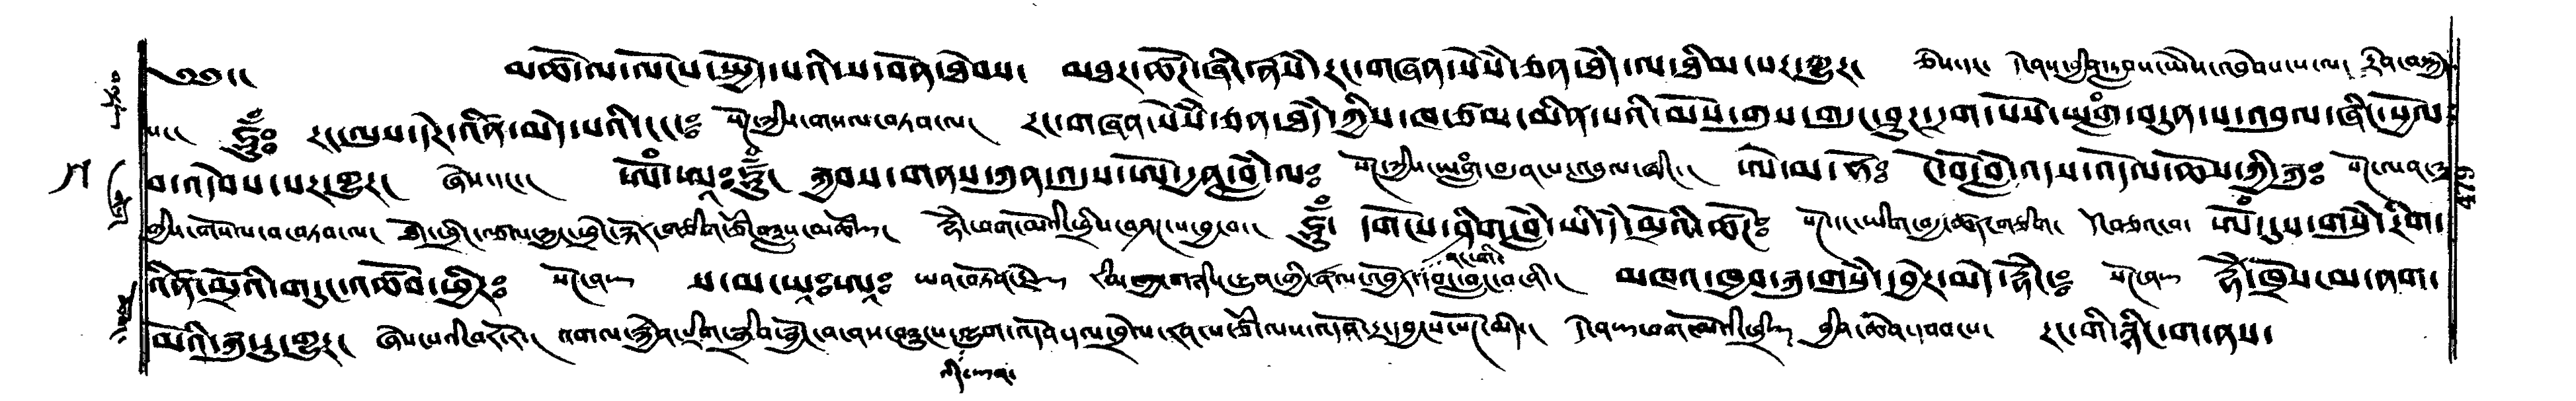མཚོ་ལ་ལོངས་སྤྱོད་པའི་ས་བོན་ཐེབས། མཐར་ཚོགས་ཞིང་རྣམས་རང་གཞན་སེམས་ཅན་ཐམས་ཅད་ལ་ཐིམ་པར་གྱུར། ཅེས་དང་། དེ་ནས་བྱིན་རླབས་ཡེ་ཤེས་འབེབས་པ་ལ། རྟེན་སྐྱེད་
པ། ཧཱུྃ༔ རང་ལུས་དེར་འཛིན་མེད་པའི་ངང༔ སོགས་ཀྱིས་གསལ་བཏབ་ལ། རང་གཞན་སེམས་ཅན་ཐམས་ཅད་ཀྱིས་ཁ་ཙམ་མིན་པའི་མོས་གུས་གདུང་ཤུགས་དྲག་པོས་ཡན་ལག་བདུན་པ་འབུལ་ཞིང་གསོལ་
བ་འདེབས་པར་གྱུར། ཞེས་དང་། ཨོཾ་ཨཱཿཧཱུྃ༔ སྐྱབས་གནས་ཀུན་འདུས་ཨོ་རྒྱན་བླ་མ་ལ༔ སོགས་ཀྱིས་ཡན་ལག་བདུན་པ་འབུལ་ཞིང་། ཨེ་མ་ཧོ༔ ངོ་བོ་བློ་འདས་འོད་གསལ་ཆོས་ཀྱི་སྐུ༴ སོགས་ལན་གསུམ་
གྱིས་གསོལ་བ་བཏབ་ལ། ཐོད་ཕྲེང་རྩལ་ཀྱང་ཕྲེང་སྐོར་གཅིག་ཙམ་བཟླས་མཚམས། རྡོ་རྗེ་ཕག་མོའི་ཕྲིན་ལས་བཤགས་པ་བྱ་བ། ཧཱུྃ༔ དགོངས་ཤིག་བླ་མ་ཡི་དམ་མཁའ་འགྲོའི་ཚོགས༴ སོགས་དང་ཡིག་བརྒྱ་ཚར་གཅིག དམ་བཅའ་བ། ཨོཾ༔དུས་གསུམ་རིག་
འཛིན་མཁའ་འགྲོའི་གདུང་འཚོབ་ཕྱིར༴ སོགས་ནས། ས་མ་ཡཱཿཨཱཿ ཡན་བཏོན་རྗེས། རིམ་གཉིས་རྒྱུན་གྱི་རྣལ་འབྱོར་ནང་གི་དབང་བླང་བ་ནི། མཁའ་ཁྱབ་སྐུ་གསུམ་དབྱེར་མེད་རྡོ་རྗེ་འཆང༴ སོགས་ནས། རྡོ་རྗེ་ཁྲོས་མ་ནག་
མོའི་སྐུ་རུ་གྱུར༔ ཞེས་པའི་བར་རོ། འགལ་རྐྱེན་སྡིག་སྒྲིབ་སྦྱོང་བ་ནས་བཟུང་འདི་ཡན་ལྷུག་འདོན་དལ་བྲེལ་རན་པ་ཙམ་ལས་འདོན་རྟ་དབྱངས་སོགས་མེད། དེ་ནས་ཕག་མོའི་ཕྲིན་ལས། བྱིན་ཆེན་དབབ་པ། རང་གི་སྙིང་ག་ནས་